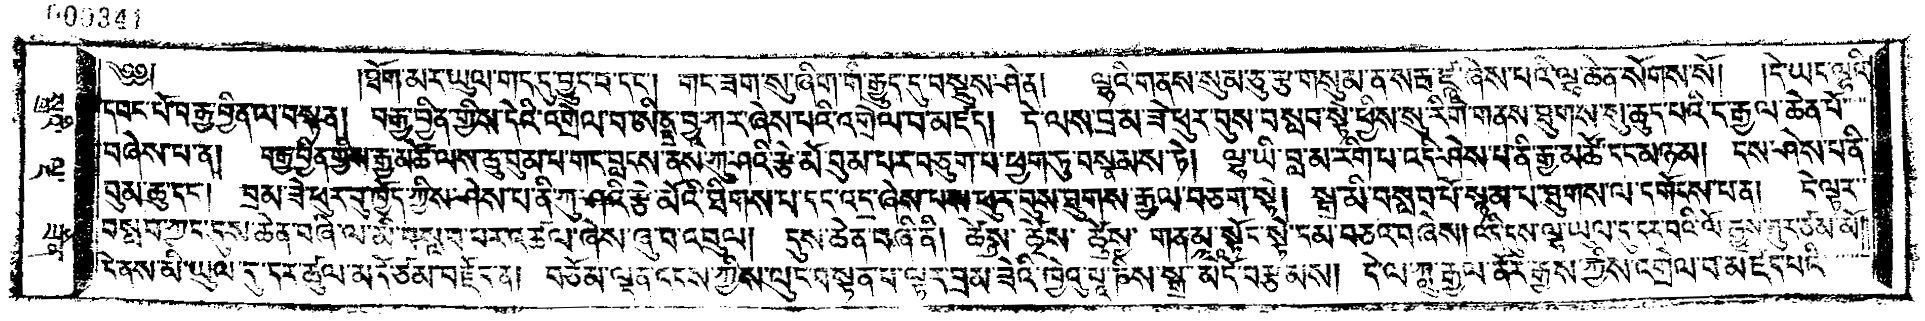༄༅། །ཐོག་མར་ཡུལ་གང་དུ་བྱུང་བ་དང་། གང་ཟག་སུ་ཞིག་གི་རྒྱུད་དུ་བསྡུས་ཤེ་ན། ལྷའི་གནས་སུམ་ཅུ་རྩ་གསུམ་ན་སརྦ་ཛྙཱ་ཞེས་པའི་ལྷ་ཆེན་སོགས་སོ། །དེ་ཡང་ལྷའི་
དབང་པོ་བརྒྱ་བྱིན་ལ་བསྟན། བརྒྱ་བྱིན་གྱིས་དེའི་འགྲེལ་བ་ཨིནྡྲ་བྱཱ་ཀར་ཞེས་པའི་འགྲེལ་བ་མཛད། དེ་ལས་བྲམ་ཟེ་ཕུར་བུས་བསླབ་སྟེ་ཕྱིས་སུ་རིག་གནས་ཐུགས་སུ་ཆུད་པའི་ང་རྒྱལ་ཆེན་པོ་
བཞེས་པ་ན། བརྒྱ་བྱིན་གྱིས་རྒྱ་མཚོ་ལས་ཆུ་བུམ་པ་གང་བླངས་ནས་ཀུ་ཤའི་རྩེ་མོ་བུམ་པར་བཅུག་པ་ཕྱག་ཏུ་བསྣམས་ཏེ། ལྷ་ཡི་བླ་མ་རིག་པ་འདི་ཤེས་པ་ནི་རྒྱ་མཚོ་དང་མཉམ། ངས་ཤེས་པ་ནི་
བུམ་ཆུ་དང་། བྲམ་ཟེ་ཕུར་བུ་ཁྱོད་ཀྱིས་ཤེས་པ་ནི་ཀུ་ཤའི་རྩེ་མོའི་ཐིགས་པ་དང་འདྲ་ཞེས་པས་ཕུར་བུས་ཐུགས་རྒྱལ་བཅག་སྟེ། སྒྲ་མི་བསླབ་པོ་སྙམ་པ་ཐུགས་ལ་དགོངས་པ་ན། དེ་ལྟར་
བསླབ་ཀྱང་དུས་ཆེན་བཞི་ལ་མི་བསླབ་པར་འཚལ་ཞེས་ཞུ་བ་འབུལ། དུས་ཆེན་བཞི་ནི། ཚེས ༡་ཚེས ༨་ཚེས ༡༤་གནམ ༣༠་སྟོང་སྟེ་དམ་བཅའ་བཞེས། འདི་དུས་ལྷ་ཡུལ་དུ་དར་བའི་ལོ་རྒྱུས་ཟུར་ཙམ་མོ། །
དེ་ནས་མི་ཡུལ་དུ་དར་ཚུལ་མདོ་ཙམ་བརྗོད་ན། བཅོམ་ལྡན་འདས་ཀྱིས་ལུང་བསྟན་པ་ལྟར་བྲམ་ཟེའི་ཁྱེའུ་པཱ་ཎིས་སྒྲ་མདོ་བརྩམས། དེ་ལ་ཀླུ་རྒྱལ་ནོར་རྒྱས་ཀྱིས་འགྲེལ་བ་མཛད་པའི་